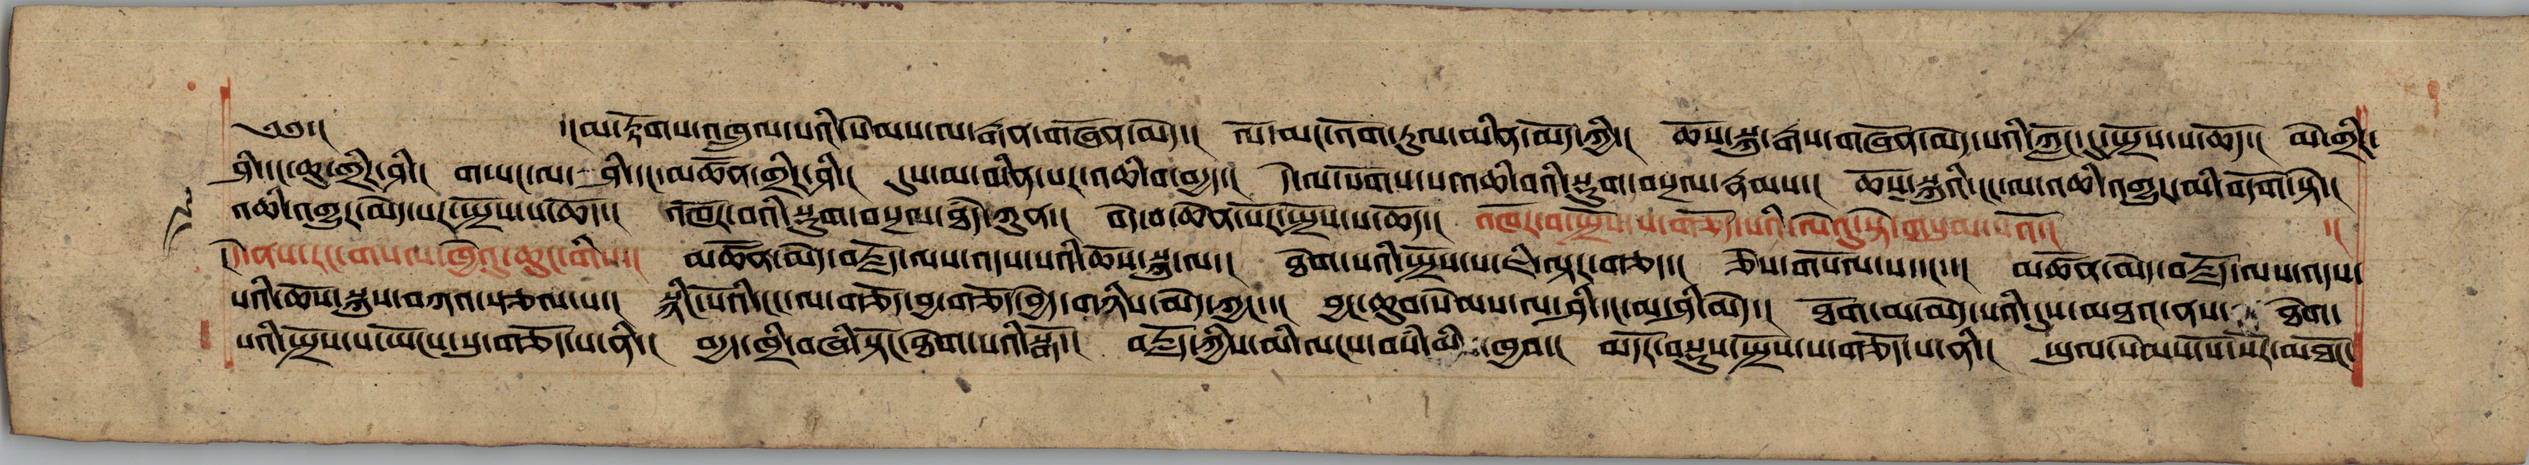༄༅་། ་།མ་རྟོགས་འཁྲུལ་པའི་སེམས་ལ་རྒན་གཞོན་མེད་། ལོ་མང་འོག་ཏུལ་མིན་མོད་ཀྱི་། ཆོས་སྐུ་རྒས་གཞོན་མེད་པའི་ཀློང་དུ་སྤྲོས་པ་ཆོད་། མེ་གྲིར་
ཤི་དང་ཆུ་གྲིར་ཤིང་། གཡང་ལ་ཤི་དང་མཚོན་གྲིར་ཤི་། དུས་མ་མིན་པར་འཆི་བ་བདྱད་། དེ་ལ་སོགས་པ་འཆི་བའི་སྡུག་བསྔལ་རྣམས་། ཆོས་སྐུའི་ངང་ལ་འཆི་འགྱུར་མི་བདོག་སྟེ་།
འཆི་འགྱུར་མེད་པར་སྤྲོས་པ་ཆོད་། འཁོར་བའི་སྡུག་བསྔལ་ཐཾད་ཀུན་། བདེ་བ་ཆེན་པོར་སྤྲོས་པ་ཆོད་། འཁོར་བ་སྤྲོས་པ་གཅོད་པའི་ལེའུ་སྟེ་གསུམ་པའོ་། ་།
།དེ་ནས་རང་གསལ་ཁྱེའུ་ཆུང་གིས་། མཚོན་མེད་བརྗོད་ལས་འདས་པའི་ཆོས་སྐུ་ལ་། ཐེག་པའི་སྤྲོས་པ་ཇི་ལྟར་གཅད་། ཅེས་གསོལ་པ་དང་་། མཚོན་མེད་བརྗོད་ལས་འདས་
པའི་ཆོས་སྐུས་བཀའ་སྩལ་པ་། སྙིང་པོའི་ངང་ལ་གཅོད་བྱ་གཅོད་བྱེད་གཉིས་མེད་ཀྱང་་། བྱང་ཆུབ་སེམས་ལ་ཤི་དང་མ་ཤི་མེད་། ཐོག་མ་མེད་པའི་དུས་མཐའ་ནས་། ཐེག་
པའི་སྤྲོས་པ་ཡོངས་སུ་གཅོད་པ་ནི་། བདྱད་ཁྲི་བཞི་སྟོང་ཐེག་པའི་སྒོ་། བརྗོད་ཀྱིས་མི་ལངས་བསཾ་མི་ཁྱབ་། མདོར་བསྡུས་སྤྲོས་པ་གཅོད་པ་ནི་། ཡུལ་སེམས་སོ་སོར་མཐོང་